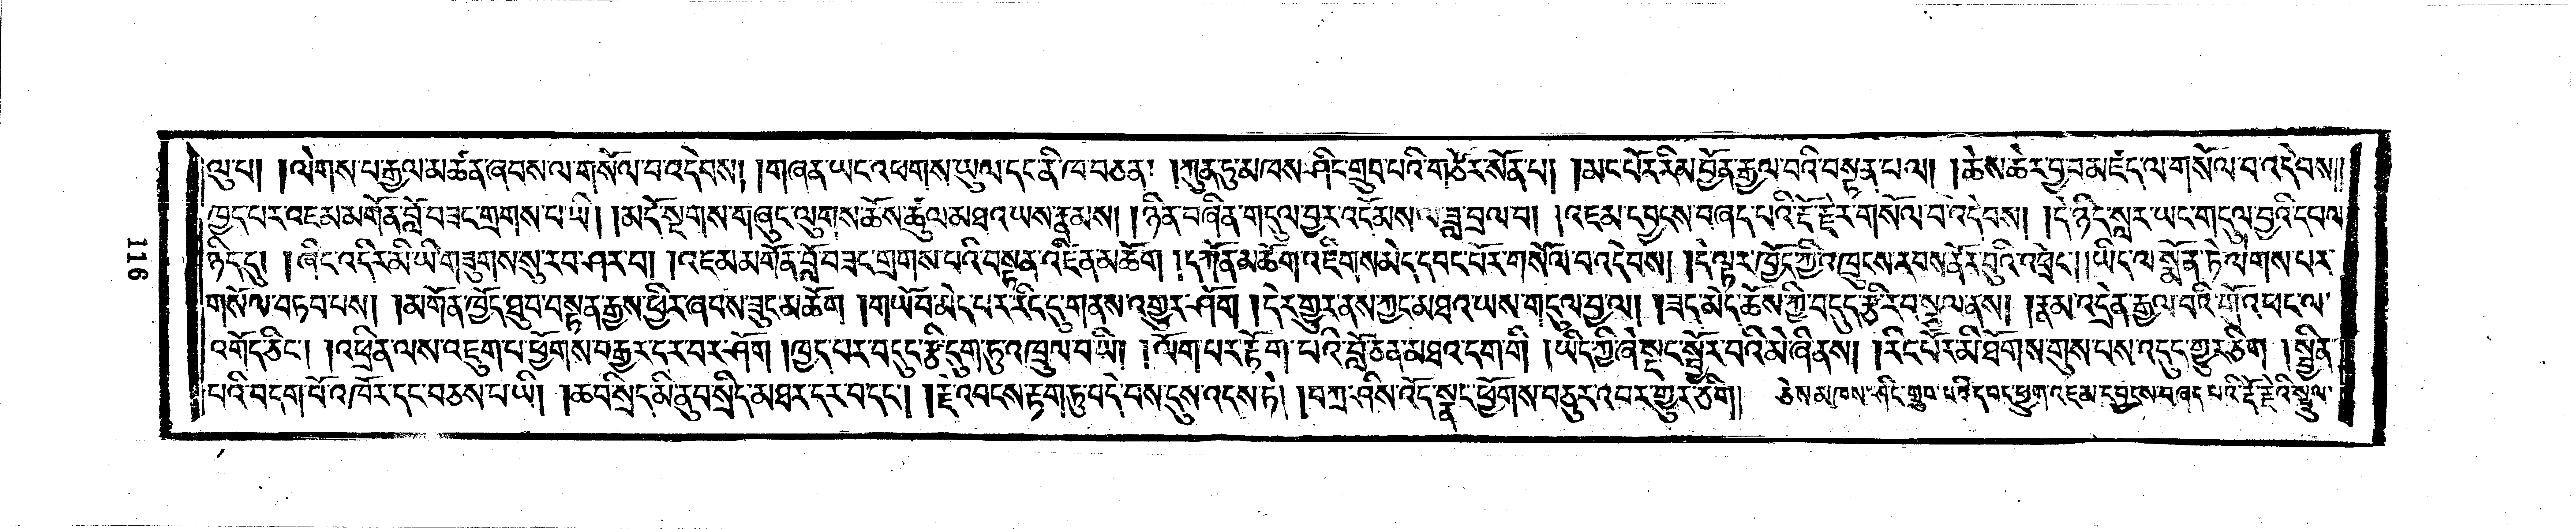ལུ་པ། །ལེགས་པ་རྒྱལ་མཚན་ཞབས་ལ་གསོལ་བ་འདེབས། །གཞན་ཡང་འཕགས་ཡུལ་དང་ནི་ཁ་བཅན། །ཀུན་ཏུ་མཁས་ཤིང་གྲུབ་པའི་གཙོར་སོན་པ། །མང་པོར་རིམ་བྱོན་རྒྱལ་བའི་བསྟན་པ་ལ། །ཆེས་ཆེར་བྱ་བ་མཛད་ལ་གསོལ་བ་འདེབས།།
ཁྱད་པར་འཇམ་མགོན་བློ་བཟང་གྲགས་པ་ཡི། །མདོ་སྔགས་གཞུང་ལུགས་ཆོས་ཚུལ་མཐའ་ཡས་རྣམས། །ཉིན་བཞིན་གདུལ་བྱར་འདོམས་ལ་ཟླ་བྲལ་བ། །འཇམ་དབྱངས་བཞད་པའི་རྡོ་རྗེར་གསོལ་བ་འདེབས། །དེ་ཉིད་སླར་ཡང་གདུལ་བྱའི་དཔལ་
ཉིད་དུ། །ཞིང་འདིར་མི་ཡི་གཟུགས་སུ་རབ་ཤར་བ། །འཇམ་མགོན་བློ་བཟང་གྲགས་པའི་བསྟན་འཛིན་མཆོག །དཀོན་མཆོག་འཇིགས་མེད་དབང་པོར་གསོལ་བ་འདེབས། །དེ་ལྟར་ཁྱོད་ཀྱི་འཁྲུངས་རབས་ནོར་བུའི་འཕྲེང་། །ཡིད་ལ་སྨོན་ཏེ་ལེགས་པར་
གསོལ་བཏབ་པས། །མགོན་ཁྱོད་ཐུབ་བསྟན་རྒྱས་ཕྱིར་ཞབས་ཟུང་མཆོག །གཡོ་བ་མེད་པར་རིང་དུ་གནས་འགྱུར་ཤོག །དེར་གྱུར་ནས་ཀྱང་མཐའ་ཡས་གདུལ་བྱ་ལ། །ཟད་མེད་ཆོས་ཀྱི་བདུད་རྩི་རབ་སྩལ་ནས། །རྣམ་འདྲེན་རྒྱལ་བའི་འགྲོ་འཕང་ལ་
འགོད་ཅིང་། །འཕྲིན་ལས་འཇུག་པ་ཕྱོགས་བརྒྱར་དར་བར་ཤོག །ཁྱད་པར་བདུད་རྩི་དུག་ཏུ་འཁྲུལ་བ་ཡི། །ལོག་པར་རྟོག་པའི་བློ་ཅན་མཐའ་དག་གི །ཡིད་ཀྱི་ཞེ་སྡང་སྦྱོར་བའི་མེ་ཞི་ནས། །རིང་པོར་མི་ཐོགས་གུས་པས་འདུད་གྱུར་ཅིག །སྦྱིན་
པའི་བདག་པོ་འཁོར་དང་བཅས་པ་ཡི། །ཆབ་སྲིད་མི་ནུབ་སྲིད་མཐར་དར་བ་དང་། །རྗེ་འབངས་རྟག་ཏུ་བདེ་བས་དུས་འདས་ཏེ། །བཀྲ་ཤིས་འོད་སྣང་ཕྱོགས་བཅུར་འབར་གྱུར་ཅིག། ཅེས་མཁས་ཤིང་གྲུབ་པའི་དབང་ཕྱུག་འཇམ་དབྱངས་བཞད་པའི་རྡོ་རྗེའི་སྤྲུལ་